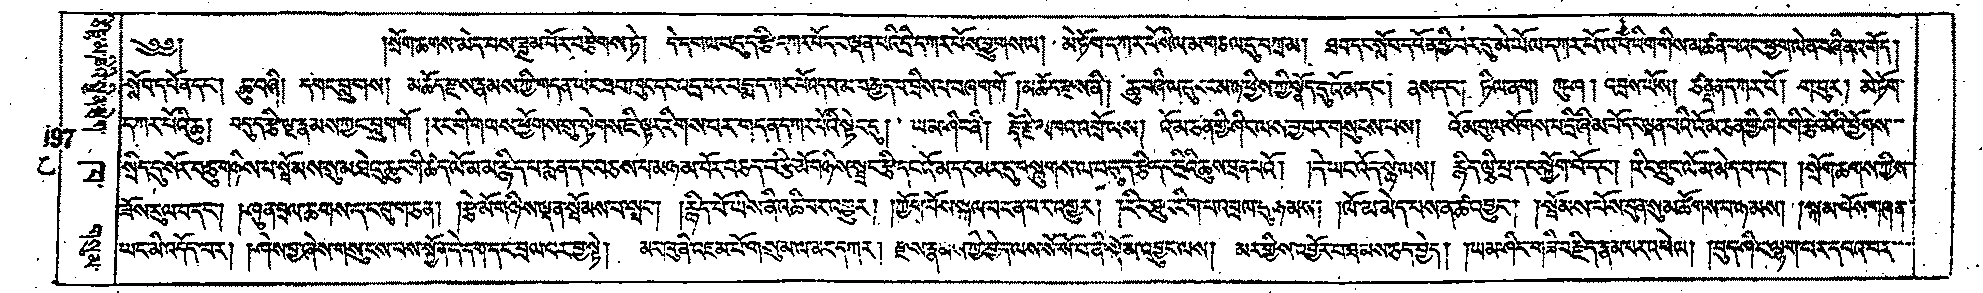༄༅། །སྲོག་ཆགས་མེད་པས་ཟླུམ་པོར་བརྩེགས་ཏེ། དེ་དག་ལ་བདུད་རྩི་དཀར་པོ་དང་ལྡན་པའི་དྲི་དཀར་པོས་བྱུགས་ལ། མེ་ཏོག་དཀར་པོ་སིལ་མ་གཅལ་དུ་བཀྲམ། ཐབ་དང་སློབ་དཔོན་གྱི་བར་དུ་མེ་ཡོལ་དཀར་པོ་ལ་བཾ་ཡིག་གིས་མཚན་པའང་ཕྱག་ལེན་བཞིན་འགོད།
སློབ་དཔོན་དང་། ཆུ་བཞི། དགང་བླུགས། མཆོད་རྫས་རྣམས་ཀྱི་གདན་ཡང་ཐབ་ཁུང་དང་འདྲ་བར་པདམ་དཀར་པོ་འདབ་མ་བརྒྱད་པ་བྲིས་པ་བཞག་གོ །མཆོད་རྫས་ནི། ཆུ་བཞི་ལ་དུང་ངམ་ཉ་ཕྱིས་ཀྱི་སྣོད་དུ་འོ་མ་དང་། ནས་དང་། ཏིལ་ནག། ཀུ་ཤ། འབྲས་ཡོས། ཙནྡན་དཀར་པོ། ག་པུར། མེ་ཏོག་
དཀར་པོའི་ཆུ། བདུད་རྩི་ལྔ་རྣམས་ཀྱང་བླུག་གོ །རང་གི་གཡས་ཕྱོགས་སུ་སྟེགས་ཇི་ལྟར་རིགས་པར་གདན་དཀར་པོའི་སྟེང་དུ། ཡམ་ཤིང་ནི། རྡོ་རྗེ་མཁའ་འགྲོ་ལས། འོ་མ་ཅན་གྱི་ཤིང་ལས་བྱ་བར་གསུངས་པས། འོ་མ་བུ་ལ་སོགས་པ་དྲི་ཞིམ་པོ་དང་ལྡན་པའི་འོ་མ་ཅན་གྱི་ཤིང་གི་རྩེ་མོའི་ཕྱོགས་་་
སྲིད་དུ་སོར་བཅུ་གཉིས་པ་སྦོམས་སུ་མཐེའུ་ཆུང་གི་ཚད་ལོ་མ་མ་རྙིད་པ་རླན་དང་བཅས་པ་མཉམ་བོར་བཅད་པ་རྩི་མོ་གཉིས་སྦྲང་རྩི་དང་འོ་མ་དང་མར་དུ་བསྙུགས་ལ་བདུད་རྩི་དང་དྲིའི་ཆུས་བྲན་པའོ། །དེ་ཡང་འོད་སྙེ་ལས། ཉིད་ལྕི་ཕྲ་དང་སྐྱོག་པོ་དང་། །རིང་ཐུང་ལོ་མ་མེད་པ་དང་། །སྲོག་ཆགས་ཀྱིས་
ཟོས་རུལ་བ་དང་། །ཤུན་བྲལ་ཆགས་དང་བུ་ག་ཅན། །རྩེ་མོ་གཉིས་ལྡན་སྦོམས་པ་སྤང་། །རྙིད་པོ་ཡིས་ནི་འཆི་བར་འགྱུར། །ཀྱོག་པོས་སྐལ་བ་ངན་པར་འགྱུར། །རིང་ཐུང་རིག་པ་འཕལ་དུ་ཉམས། །ལོ་མ་མེད་པས་ན་ཚ་འབྱུང་། །སྦོམས་པོས་ཕུན་སུམ་ཚོགས་པ་ཉམས། །སྐམ་པོས་གཞན་
ཡང་མི་འདོད་པར། །ཤེས་བྱ་ཞེས་གསུངས་པས་སྐྱོན་དེ་དག་དང་བྲལ་བར་བྱ་སྟེ། མར་ཁུ་ནི་འཇམ་པོ་གསུམ་ལ་མར་དཀར། རྫས་རྣམས་ཀྱི་བྱེད་ལས་སོ་སོ་བ་ནི་སྡོམ་འབྱུང་ལས། མར་གྱིས་འབྱོར་བ་ཐམས་ཅད་བྱེད། །ཡམ་ཤིང་གཟི་བརྗིད་རྣམ་པར་འཕེལ། །བུད་ཤིང་ལྷག་པར་དཔའ་བར་་་